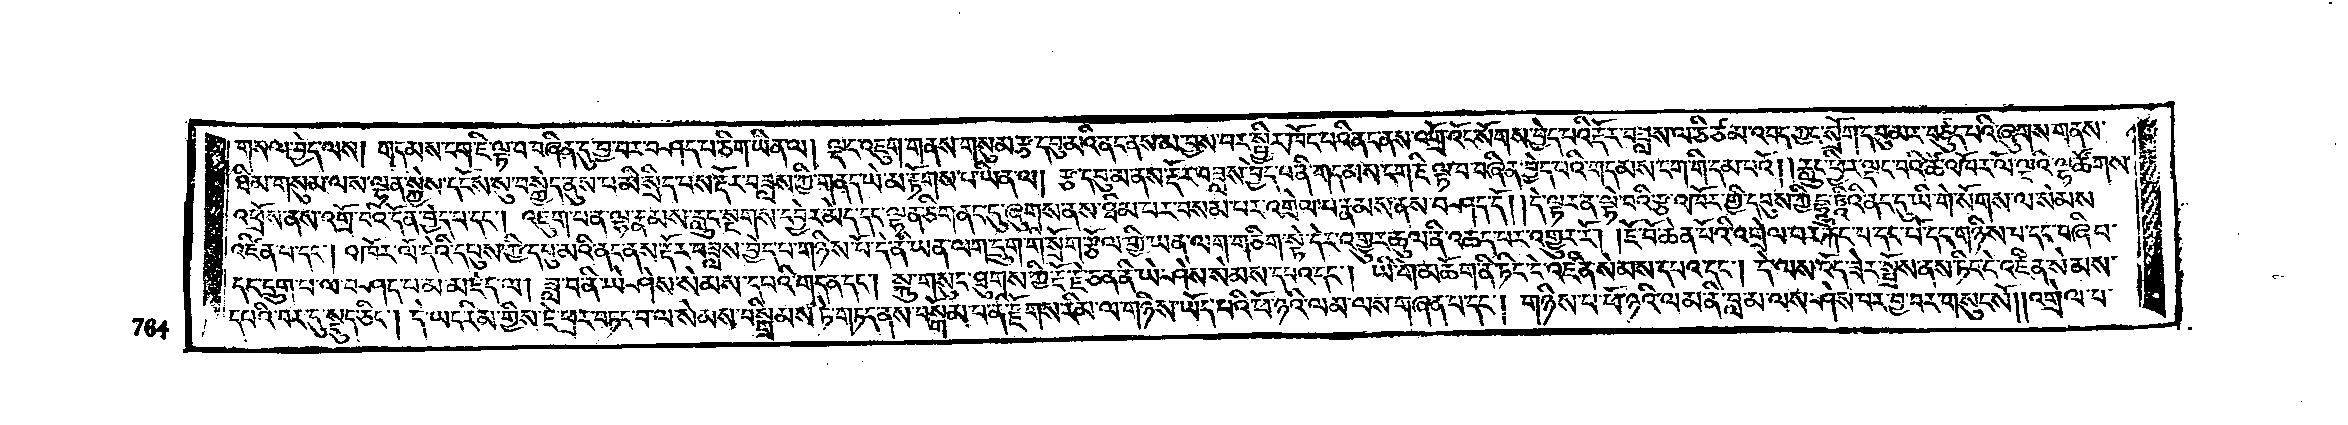གསལ་བྱེད་ལས། གདམས་ངག་ཇི་ལྟ་བ་བཞིན་དུ་བྱ་བར་བཤད་པ་ཅིག་ཡིན་ལ། ལྡང་འཇུག་གནས་གསུམ་རྩ་དབུ་མའི་ནང་ནས་མ་བྱས་པར་སྤྱིར་ཁོང་པའི་ནང་ནས་འགྲོ་འོང་སོགས་བྱེད་པའི་རྡོར་བཟླས་ལ་ཅི་ཙམ་འབད་ཀྱང་སྲོག་དབུ་མར་བཙུད་པའི་ཞུགས་གནས་
ཐིམ་གསུམ་ལས་ལྷན་སྐྱེས་དངོས་སུ་བསྐྱེད་ནུས་པ་མི་སྲིད་པས་རྡོར་བཟླས་ཀྱི་གནད་ཡེ་མ་རྟོགས་པ་ཡིན་ལ། རྩ་དབུ་མ་ནས་རྡོར་བཟླས་བྱེད་པ་ནི་གདམས་ངག་ཇི་ལྟ་བ་བཞིན་བྱེད་པའི་གདམས་ངག་གི་དམ་པའོ། །རླུང་ཕྱིར་ལྡང་བའི་ཚེ་འཁོར་ལོ་ལྔའི་ལྷ་ཚོགས་
འཕྲོས་ནས་འགྲོ་བའི་དོན་བྱེད་པ་དང་། འཇུག་པ་ན་ལྷ་རྣམས་རླུང་སྔགས་དབྱེར་མེད་དང་ལྷན་ཅིག་ནང་དུ་ཞུགས་ནས་ཐིམ་པར་བསམ་པར་འགྲེལ་པ་རྣམས་ནས་བཤད་དོ། །དེ་ལྟར་ན་ལྟེ་བའི་རྩ་འཁོར་གྱི་དབུས་ཀྱི་དྷཱུ་ཏཱིའི་ནང་དུ་ཡི་གེ་སོགས་ལ་སེམས་
འཛིན་པ་དང་། འཁོར་ལོ་དེའི་དབུས་ཀྱི་དབུ་མའི་ནང་ནས་རྡོར་བཟླས་བྱེད་པ་གཉིས་པོ་དེ་ནི་ཡན་ལག་དྲུག་གི་སྲོག་རྩོལ་གྱི་ཡན་ལག་གཅིག་སྟེ་དེར་འགྱུར་ཚུལ་ནི་འཆད་པར་འགྱུར་རོ། །ཇོ་བོ་ཆེན་པོའི་འགྲེལ་པར་རྐང་པ་དང་པོ་དང་གཉིས་པ་དང་བཞི་པ་
དང་དྲུག་པ་ལ་བཤད་པ་མ་མཛད་ལ། ཟླ་བ་ནི་ཡེ་ཤེས་སེམས་དཔའི་གདན་དང་། སྐུ་གསུང་ཐུགས་ཀྱི་རྡོ་རྗེ་ཅན་ནི་ཡེ་ཤེས་སེམས་དཔའ་དང་། ཡི་གེ་མཆོག་ནི་ཏིང་ངེ་འཛིན་སེམས་དཔའ་དང་། དེ་ལས་འོད་ཟེར་སྤྲོས་ནས་ཏིང་ངེ་འཛིན་སེམས་
དཔའི་བར་དུ་སྡུད་ཅིང་། དེ་ཡང་རིམ་གྱིས་ཇེ་ཕྲར་བཏང་བ་ལ་སེམས་བསྒྲིམས་ཏེ་གཏད་ནས་བསྒོམ་པ་ནི་རྫོགས་རིམ་ལ་གཉིས་ཡོད་པའི་ཕོ་ཉའི་ལམ་ལས་གཞན་པ་དང་། གཉིས་པ་ཕོ་ཉའི་ལམ་ནི་བླ་མ་ལས་ཤེས་པར་བྱ་བར་གསུངས་སོ། །འགྲེལ་པ་